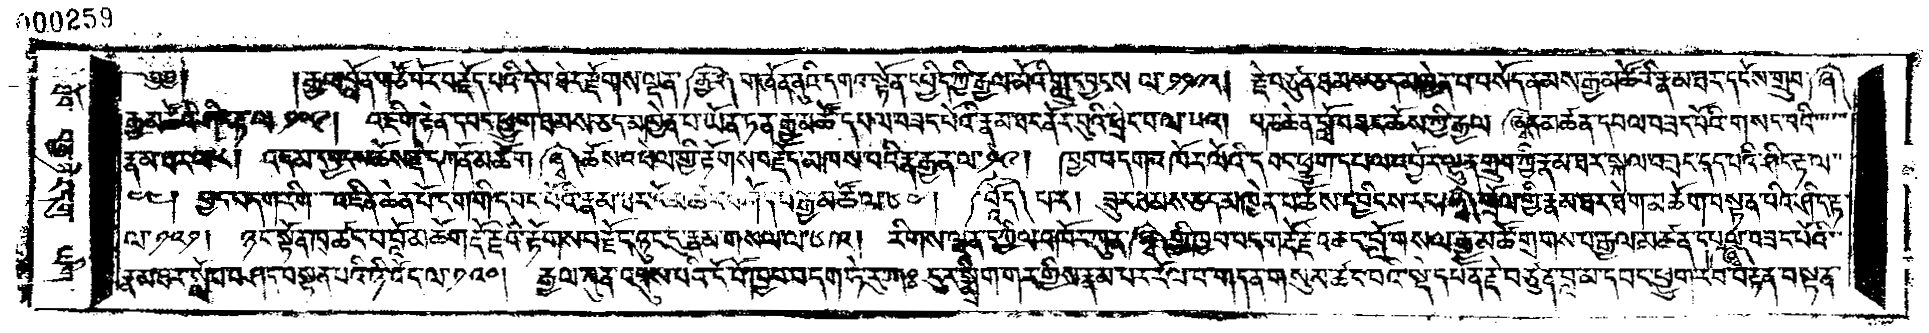༄༅། །རྒྱལ་བློན་གཙོ་བོར་བརྗོད་པའི་དེབ་ཐེར་རྫོགས་ལྡན ༼རྒྱ༽ གཞོན་ནུའི་དགའ་སྟོན་དཔྱིད་ཀྱི་རྒྱལ་མོའི་གླུ་དབྱངས་ལ ༡༡༣། རྗེ་བཙུན་ཐམས་ཅད་མཁྱེན་པ་བསོད་ནམས་རྒྱ་མཚོའི་རྣམ་ཐར་དངོས་གྲུབ་ཞ་
རྒྱ་མཚོའི་ཤིང་རྟ་ལ ༡༠༩། འཇིག་རྟེན་དབང་ཕྱུག་ཐམས་ཅད་མཁྱེན་པ་ཡོན་ཏན་རྒྱ་མཚོ་དཔལ་བཟང་པོའི་རྣམ་ཐར་ནོར་བུའི་ཕྲེང་བ་ལ ༥༢། པཎ་ཆེན་བློ་བཟང་ཆོས་ཀྱི་རྒྱལ ༼ཞྭ༽ མཚན་དཔལ་བཟང་པོའི་གསང་བའི་
རྣམ་ཐར་ལ ༨། འཇམ་དབྱངས་ཆོས་རྗེ་དཀོན་མཆོག ༼ཞྭ༽ ཆོས་འཕེལ་གྱི་རྟོགས་བརྗོད་མཁས་པའི་རྣ་རྒྱན་ལ ༡༩། ཁྱབ་བདག་འཁོར་ལོའི་དབང་ཕྱུག་དཔལ་འབྱོར་ལྷུན་གྲུབ་ཀྱི་རྣམ་ཐར་སྐལ་བཟང་དད་པའི་ཤིང་རྟ་ལ་
༤༤། བྱང་བདག་རིག་འཛིན་ཆེན་པོ་ངག་གི་དབང་པོའི་རྣམ་ཐར་ངོ་མཚར་བཀོད་པ་རྒྱ་མཚོ་ལ ༦༤། ༼བོད༢༽ པར། ཟུར་ཐམས་ཅད་མཁྱེན་པ་ཆོས་དབྱིངས་རང ༼ཉྭ༽ གྲོལ་གྱི་རྣམ་ཐར་ཐེག་མཆོག་བསྟན་པའི་ཤིང་རྟ་
ལ ༡༢༡། ཉང་སྟོན་ཁྲ་ཚང་བ་བློ་མཆོག་རྡོ་རྗེའི་རྟོགས་བརྗོད་ཉུང་དུ་རྣམ་གསལ་ལ ༦༣། རིགས་ལྡན་དཀྱིལ་འཁོར་ཀུན ༼ཉྭ༽ གྱི་ཁྱབ་བདག་རྡོ་རྗེ་འཆང་བློ་གསལ་རྒྱ་མཚོ་གྲགས་པ་རྒྱལ་མཚན་དཔལ་བཟང་པོའི་
རྣམ་ཐར་སློབ་བཤད་བསྟན་པའི་ཉི་འོད་ལ ༡༢༠། རྒྱལ་ཀུན་འདུས་པའི་ངོ་བོ་ཁྱབ་བདག་ཧེ་རུ་ཀཿདུར་སྨྲིག་གར་གྱིས་རྣམ་པར་རོལ་བ་གདན་གསུམ་ཚང་བའི་སྡེ་དཔོན་རྗེ་བཙུན་བླ་མ་དབང་ཕྱུག་རབ་བརྟེན་བསྟན་